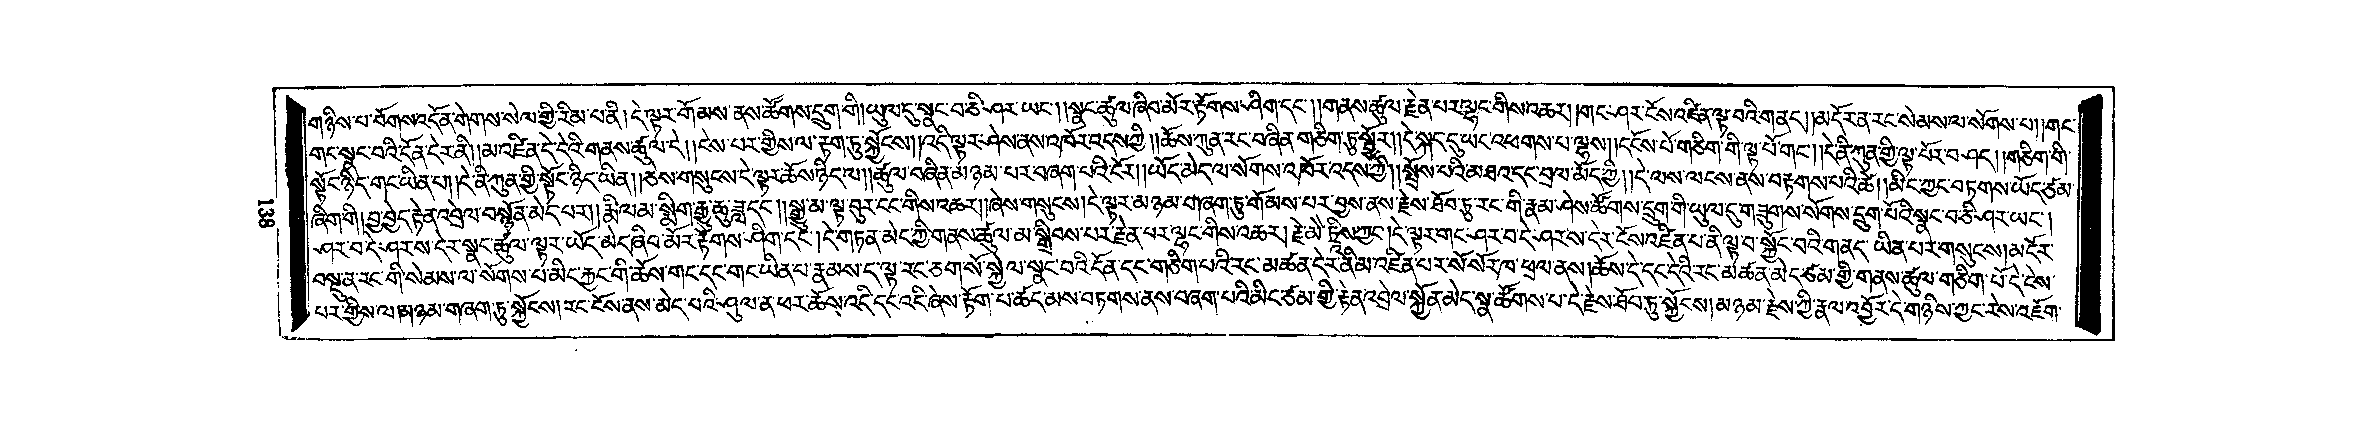གཉིས་པ་བོགས་འདོན་གེགས་སེལ་གྱི་རིམ་པ་ནི། དེ་ལྟར་གོམས་ནས་ཚོགས་དྲུག་གི །ཡུལ་དུ་སྣང་བ་ཅི་ཤར་ཡང་། །སྣང་ཚུལ་ཞིབ་མོར་རྟོགས་ཤིག་དང་། །གནས་ཚུལ་རྗེན་པར་ལྷང་གིས་འཆར། །གང་ཤར་ངོས་འཛིན་ལྟ་བའི་གནད། །མདོར་ན་རང་སེམས་ལ་སོགས་པ། །གང་
གང་སྣང་བའི་དོན་དེར་ནི། །མ་འཛིན་དེ་དེའི་གནས་ཚུལ་དེ། །ངེས་པར་གྱིས་ལ་རྟག་ཏུ་སྐྱོངས། །འདི་ལྟར་ཤེས་ནས་འཁོར་འདས་ཀྱི། །ཆོས་ཀུན་རང་བཞིན་གཅིག་ཏུ་སྦྱོར། །དེ་སྐད་དུ་ཡང་འཕགས་པ་ལྷས། །དངོས་པོ་གཅིག་གི་ལྟ་པོ་གང་། །དེ་ནི་ཀུན་གྱི་ལྟ་པོར་བཤད། །གཅིག་གི་
སྟོང་ཉིད་གང་ཡིན་པ། །དེ་ནི་ཀུན་གྱི་སྟོང་ཉིད་ཡིན། །ཅེས་གསུངས་དེ་ལྟར་ཆོས་ཉི་ལ། །ཚུལ་བཞིན་མཉམ་པར་བཞག་པའི་ངོར། །ཡོད་མེད་ལ་སོགས་འཁོར་འདས་ཀྱི། །སྤྲོས་པའི་མཐའ་དང་བྲལ་མོད་ཀྱི། །དེ་ལས་ལངས་ནས་བརྟགས་པའི་ཚེ། །མིང་ཀྱང་བཏགས་ཡོད་ཙམ་
ཞིག་གི །བྱ་བྱེད་རྟེན་འབྲེལ་བསྙོན་མེད་པར། །རྨི་ལམ་སྨིག་རྒྱུ་ཆུ་ཟླ་དང་། །སྒྱུ་མ་ལྟ་བུར་ངང་གིས་འཆར། །ཞེས་གསུངས། དེ་ལྟར་མཉམ་གཞག་ཏུ་གོམས་པར་བྱས་ནས་རྗེས་ཐོབ་ཏུ་རང་གི་རྣམ་ཤེས་ཚོགས་དྲུག་གི་ཡུལ་དུ་གཟུགས་སོགས་དྲུག་པོའི་སྣང་བ་ཅི་ཤར་ཡང་།
ཤར་བ་དེ་ཤར་ས་དེར་སྣང་ཚུལ་ལྟར་ཡོད་མེད་ཞིབ་མོར་རྟོགས་ཤིག་དང་། དེ་གཏན་མེད་ཀྱི་གནས་ཚུལ་མ་སྒྲིབས་པར་རྗེན་པར་ལྷང་གིས་འཆར། རྗེ་མཻ་ཏྲཱིས་ཀྱང་། དེ་ལྟར་གང་ཤར་བ་དེ་ཤར་ས་དེར་ངོས་འཛིན་པ་ནི་ལྟ་བ་སྐྱོང་བའི་གནད་ཡིན་པར་གསུངས། མདོར་
བསྡུ་ན་རང་གི་སེམས་ལ་སོགས་པ་མིང་རྐྱང་གི་ཆོས་གང་དང་གང་ཡིན་པ་རྣམས་ད་ལྟ་རང་ཅག་སོ་སྐྱེལ་སྣང་བའི་དོན་དང་གཅིག་པའི་རང་མཚན་དེར་ནི་མ་འཛིན་པར་སོ་སོར་ཁ་ཕྲལ་ནས། ཆོས་དེ་དང་དེའི་རང་མཚན་མེད་ཙམ་གྱི་གནས་ཚུལ་གཅིག་པོ་དེ་ངེས་
པར་གྱིས་ལ། མཉམ་གཞག་ཏུ་སྐྱོངས། རང་ངོས་ནས་མེད་པའི་ཤུལ་ན་ཕར་ཆོས་འདི་དང་འདི་ཞེས་རྟོག་པ་ཚད་མས་བཏགས་ནས་བཞག་པའི་མིང་ཙམ་གྱི་རྟེན་འབྲེལ་སྐྱོན་མེད་སྣ་ཚོགས་པ་དེ་རྗེས་ཐོབ་ཏུ་སྐྱོངས། མཉམ་རྗེས་ཀྱི་རྣལ་འབྱོར་དེ་གཉིས་ཀྱང་རེས་འཇོག་